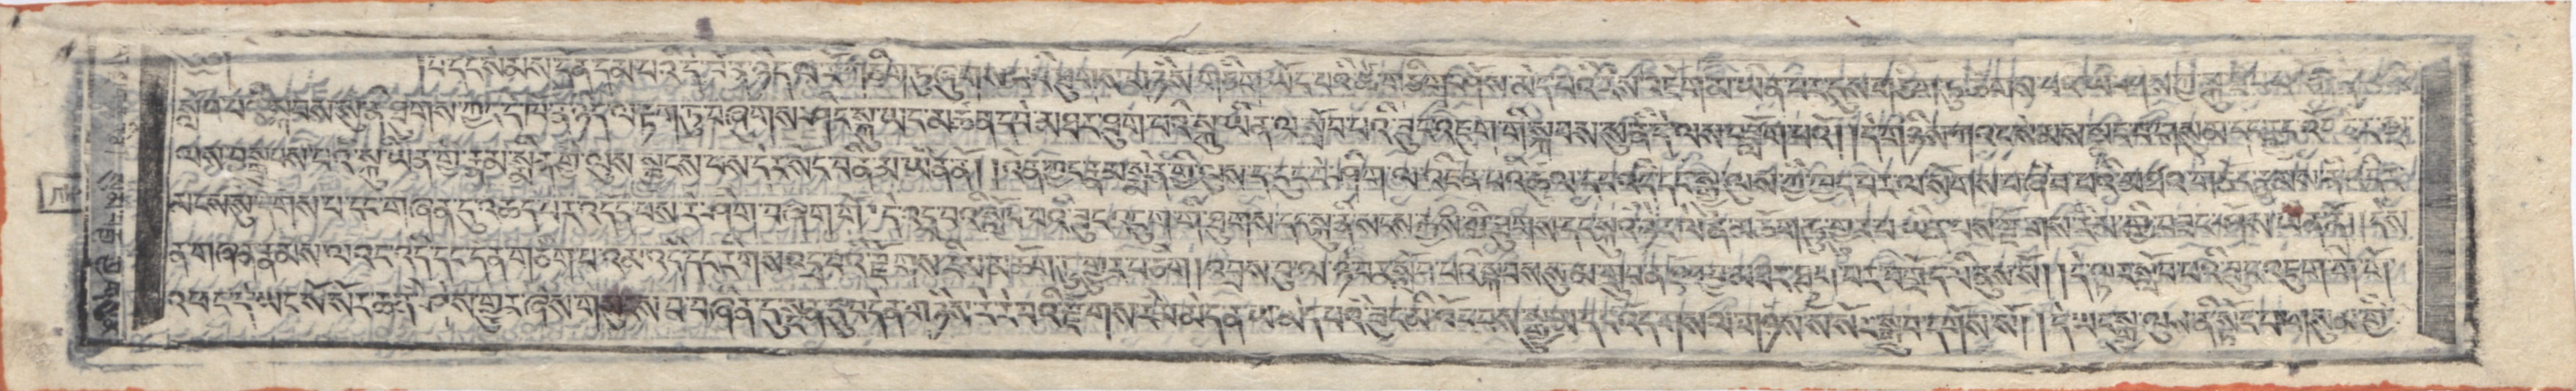༄༅། །བ་དང་སེམས་དོན་དམ་པའི་དེ་ཁོ་ན་ཉིད་ལ་རོ་གཅིག་ཏུ་ཞུགས་པའི་ཐུགས་གཉིས་གཅིག་ཡོད་པའི་ཚེ་གཅིག་ཤོས་མེད་པའི་རེས་འཇོག་མ་ཡིན་པར་དུས་གཅིག་ཏུ་ཚོགས་པའི་ཡེ་ཤེས་ཀྱི་སྐུ་ཐོབ་པའོ། །དེ་ལ་མི་
སློབ་པའི་སྐབས་སུ་ནི་ཐུགས་ཀྱང་དེ་ཁོ་ན་ཉིད་ལ་རྟག་ཏུ་བཞུགས་ཤིང་སྐུ་ཡང་མཚན་དཔེ་མཐར་ཐུག་པའི་སྐུ་ཡིན་ལ་སློབ་པའི་ཟུང་འཇུག་གི་སྐབས་སུ་ནི་དེ་ལས་བཟློག་པའོ། །དེ་གཉིས་ཀའང་སེམས་སྣང་བ་གསུམ་དང་རླུང་འོད་ཟེར་ལྔ་
ལས་བསྒྲུབས་པའི་སྐུ་ཡིན་གྱི་རྣམ་སྨིན་གྱི་ལུས་སྦྱངས་པས་དེར་སོང་བ་ནི་མ་ཡིན་ནོ། །འོན་ཀྱང་རྣམ་སྨིན་གྱི་ལུས་ད་དུང་རེ་ཤིག་ལ་འཛིན་པའི་ཚུལ་དང་འདི་དང་སྒྱུ་ལུས་ཀྱི་ཁྱད་པར་ལ་སོགས་པ་ཞིབ་པའི་མཐའ་གཅོད་རྣམས་ནི་འདིར་
མ་ངས་སུ་དོགས་པ་དང་གཞན་དུ་འཆད་པར་འདོད་པས་རེ་ཤིག་བཞག་གོ །དེ་འདྲ་བའི་སློབ་པའི་ཟུང་འཇུག་གི་ཐུགས་དང་སྐུ་ནི་སངས་རྒྱས་ཀྱི་ཐུགས་དང་སྐུའི་ཉེར་ལེན་མཆོག་ཏུ་གྱུར་པ་ཡིན་པས་རྫོགས་རིམ་གྱི་བཟང་ཤོས་ཡིན་ནོ། །དེས་
ན་གཞན་རྣམས་ལའང་འདི་དང་དོན་གཅིག་པ་འམ་འདི་དང་རིགས་འདྲ་བའི་རྫོགས་རིམ་མཆོག་ཏུ་གྱུར་པ་ཅིག །འབྲས་བུ་ལ་ཉེ་བར་སློབ་པའི་སྐབས་སུ་མ་གྲུབ་ན་ཐོབ་བྱ་མཐར་ཐུག་པར་འགྲོད་མི་ནུས་སོ། །དེ་ལྟར་སློབ་པའི་ཟུང་འཇུག་གི་གོ་
འཕང་དེ་ཡང་སོ་སོར་ཆ་ནི་ཤེས་གྱུར་ཞེས་གསུངས་བ་བཞིན་དུ་སྔོན་དུ་བདེན་གཉིས་རེ་རེ་བའི་རྫོགས་རིམ་མེད་ན་ཡ་མེད་པའི་ཟུང་མི་འོང་བས་སྒྱུ་མ་དང་འོད་གསལ་གཉིས་སོ་སོར་སྒྲུབ་དགོས་སོ། །དེ་ཡང་སྒྱུ་ལུས་ནི་སྟོང་པ་གསུམ་གྱི་